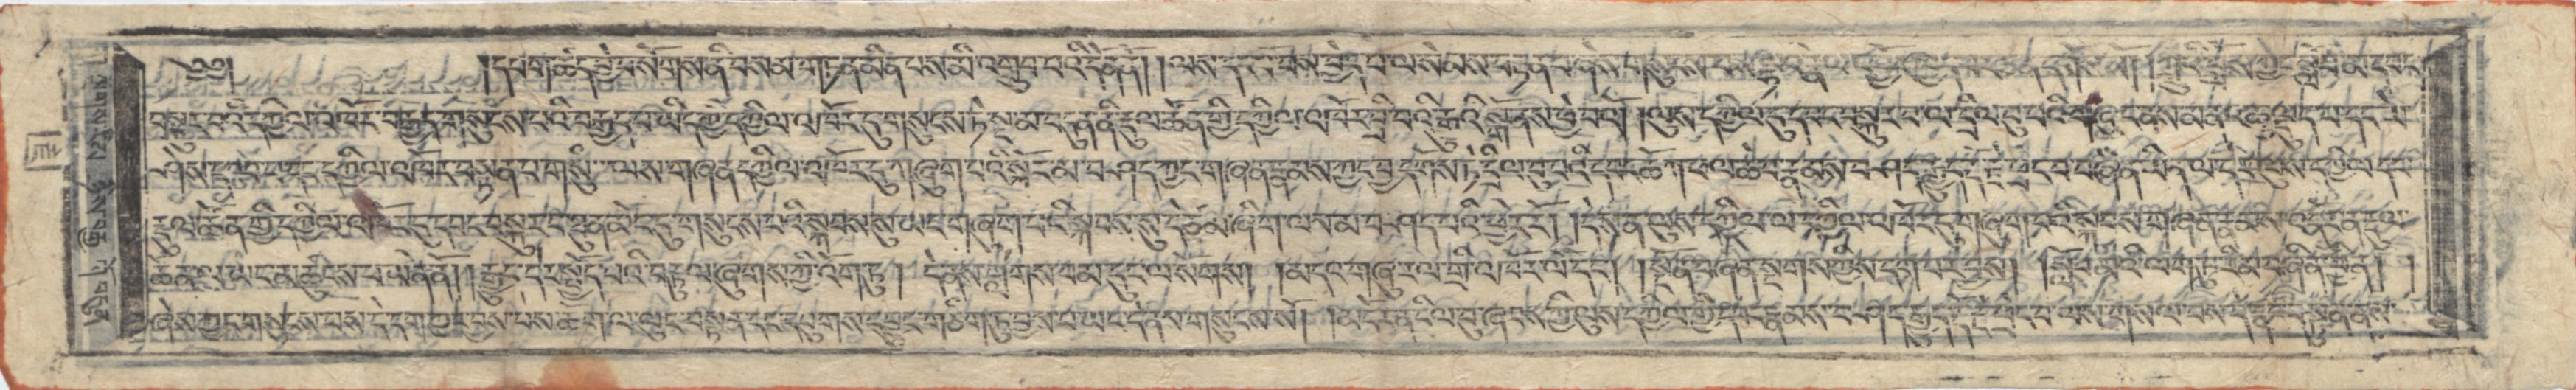༄༅། །དཔག་ཚད་བྱེ་བ་སོགས་ནི་བསམ་གཏན་མིན་པས་མི་འགྲུབ་པའི་དོན་ནོ། །ལས་དང་པོ་པས་བྱེད་པ་ལ་སེམས་བརྟན་པ་ཞེས་གསུངས་པས་ལྷའི་རྣལ་འབྱོར་ཁྱད་པར་ཅན་དགོས་སོ། །ཀླུའི་བློས་ཀྱང་སློབ་མ་དབང་
བསྐུར་བའི་དཀྱིལ་འཁོར་བརྒྱད་གསུངས་པའི་བརྒྱད་པ་ཡིད་ཀྱི་དཀྱིལ་འཁོར་དུ་གསུངས་ཏེ་སྔ་མ་བདུན་ནི་རྡུལ་ཚོན་གྱི་དཀྱིལ་འཁོར་བྲི་བའི་རྒྱུའི་སྒོ་ནས་ཕྱེ་བའོ། །ལུས་དཀྱིལ་དུ་དབང་བསྐུར་བ་ལ་དྲིལ་བུ་པའི་གཞུང་ནས་མནའ་ཆུ་ལྡུད་པ་དང་ཡེ་
ཤེས་དབབ་པ་དང་དཀྱིལ་འཁོར་བསྟན་པ་གསུམ་ལས་གཞན་དཀྱིལ་འཁོར་དུ་གཞུག་པའི་སྐོར་མ་བཤད་ཀྱང་གཞན་རྣམས་ཀྱང་བྱ་དགོས་ཏེ་དྲིལ་བུ་པའི་དབང་ཆོག་ཕལ་ཆེ་བ་རྣམས་བཤད་རྒྱུད་རྡོ་རྗེ་ཕྲེང་བ་བཞིན་ཡིན་ལ་དེར་ལུས་དཀྱིལ་དང་
རྡུལ་ཚོན་གྱི་དཀྱིལ་འཁོར་དུ་དབང་བསྐུར་བ་ཐུན་མོང་དུ་གསུངས་པའི་སྐབས་སུ་ཡང་གཞུག་པའི་སྐབས་སུ་དེ་ཙམ་ཞིག་ལས་མ་བཤད་པའི་ཕྱིར་རོ། །དེས་ན་ལུས་དཀྱིལ་ལ་དཀྱིལ་འཁོར་དུ་གཞུག་པའི་སྐབས་གཞན་རྣམས་འདོར་ན་རྡུལ་
ཆོན་ལ་ཡང་མཚུངས་པ་ཡིན་ནོ། །རྒྱུད་དེར་སྤྱོད་པའི་བརྟུལ་ཞུགས་ཀྱི་འོག་ཏུ། དེ་ནས་གླེགས་བམ་དུང་ལ་སོགས། །མདའ་གཞུ་རལ་གྲི་འཁོར་ལོ་དང་། །སྔོན་བཞིན་སྔགས་ཀྱིས་དག་པར་བྱས། །སློབ་མའི་ལག་ཏུ་རིམ་བཞིན་བྱིན། །
ཞེས་ཀྱང་གསུངས་པས་དེ་དག་ཀྱང་བྱས་པས་ཆོག་ལ་ལུང་བསྟན་དང་དབུགས་དབྱུང་གཅིག་ཏུ་བྱས་པ་ཡང་དེ་ནས་གསུངས་སོ། །མདོར་ན་དྲིལ་བུ་ཞབས་ཀྱི་ལུས་དཀྱིལ་གྱི་དབང་རྣམས་བཤད་རྒྱུད་རྡོ་རྗེ་ཕྲེང་བ་ལས་གསལ་བས་དེ་དང་བསྟུན་ནས་